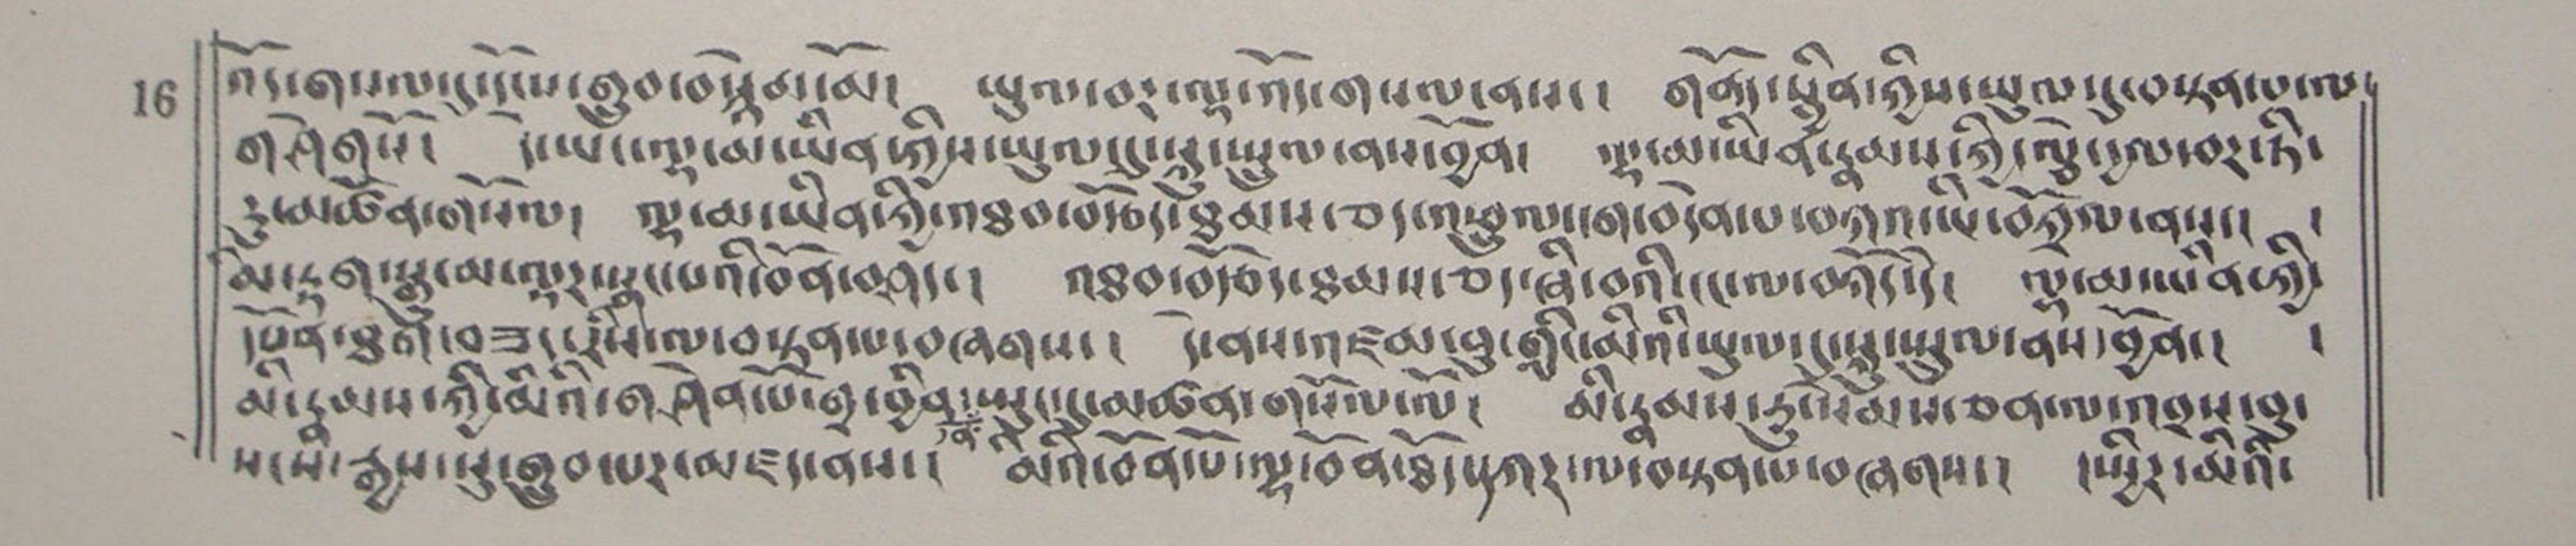འོད་གསལ་དུ་དངོས་གྲུབ་བསྙེས་སོ། །ཡུལ་བར་ལྷ་འོད་གསལ་ནས། གནོད་སྦྱིན་གྱིས་ཡུལ་(ཕུལ)དུ་བསྟན་པ་ལ་
གཤེགས་སོ། །དེ་ཡང་ལྷ་མ་ཡིན་གྱི་ཡུལ་དུ་སྐུ་སྤྲུལ་ནས་བྱོན། ལྷ་མ་ཡིན་རྣམས་ཀྱིས་ལྕེ་རྒྱལ་བར་ཏི་
རུ་མཚན་གསོལ་ལོ། །ལྷ་མ་ཡིན་གྱི་འཐབ་རྩོད་ཐམས་ཅད་འཕྲུལ་ངག་བདེན་པ་བཀའ་ཡི་བཀྲོལ་ནས། 
མི་རྟག་སྒྱུ་མ་ལྟར་སྣང་བའི་བོན་བཤད། འཐབ་རྩོད་ཐམས་ཅད་ཞི་བའི་ངང་དུ་བཀོད་དེ། ལྷ་མ་ཡིན་གྱི་
དཔོན་ཐག་བཟང་རིས་ལ་བསྟན་པར་བཞག དེ་ནས་འཛམ་བུའི་གླིང་མིའི་ཡུལ་དུ་སྐུ་སྤྲུལ་ནས་བྱོན། 
མི་རྣམས་ཀྱིས་མིའི་གཤེན་པོ་གྲ་བྱིན་དོན་སྤུང་དུ་མཚན་གསོལ་ལོ། །མི་རྣམས་རྒྱུ་སེམས་ཅན་ལ་འབྲས་བུ་
སངས་རྒྱས་སུ་གྲུབ་པར་མཛད་ནས། མིའི་བོན་པོ་ལྷ་བོན་ཐོད་དཀར་ལ་བསྟན་པར་བཞག སྤྱིར་མིའི་